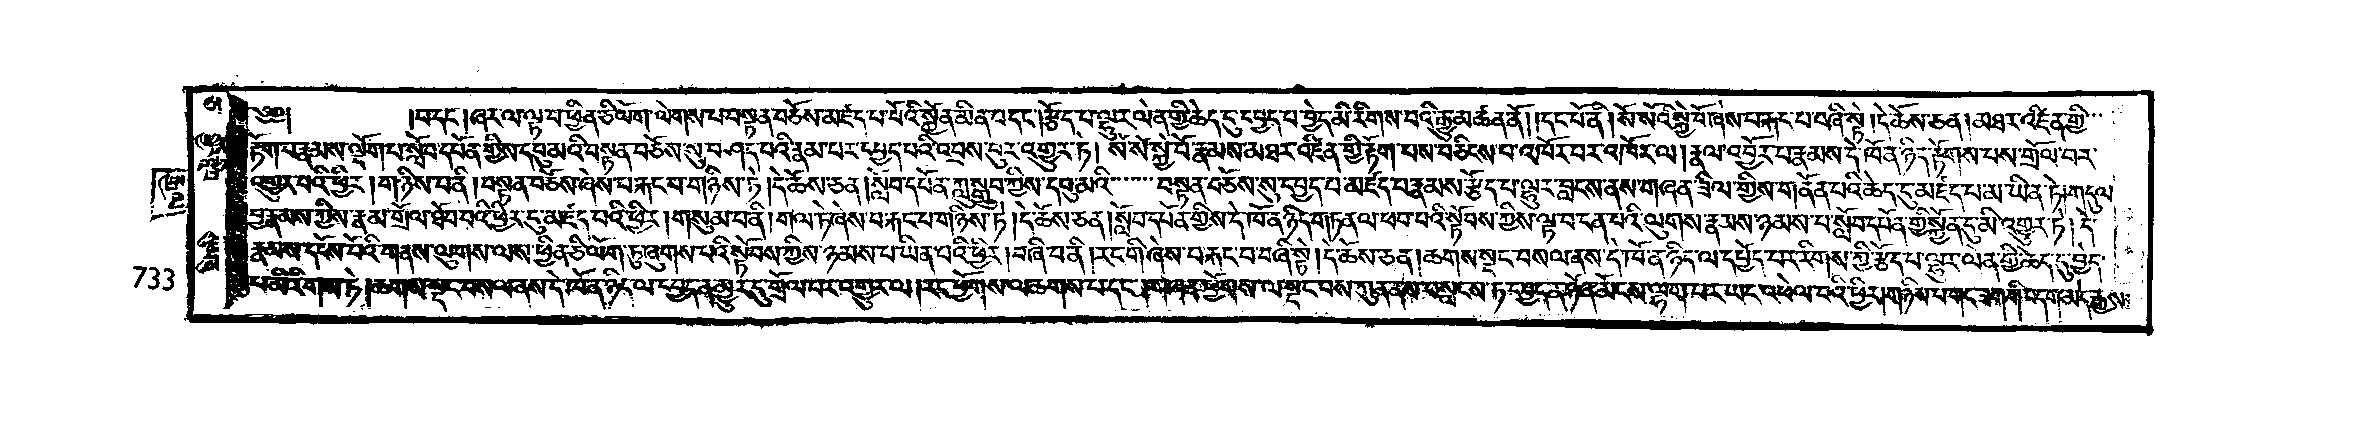༄༅། །པ་དང་། ཞར་ལ་ལྟ་བ་ཕྱིན་ཅི་ལོག་ལེགས་པ་བསྟན་བཅོས་མཛད་པ་པོའི་སྐྱོན་མིན་པ་དང་། རྩོད་པ་ལྷུར་ལེན་གྱི་ཆེད་དུ་དཔྱད་པ་བྱེད་མི་རིགས་པའི་རྒྱུ་མཚན་ནོ། །དང་པོ་ནི། སོ་སོའི་སྐྱེ་བོ་ཞེས་པ་རྐང་པ་བཞི་སྟེ། དེ་ཆོས་ཅན། མཐར་འཛིན་གྱི་
རྟོག་པ་རྣམས་ལྡོག་པ་སློབ་དཔོན་གྱིས་དབུ་མའི་བསྟན་བཅོས་སུ་བཤད་པའི་རྣམ་པར་དཔྱད་པའི་འབྲས་བུར་འགྱུར་ཏེ། སོ་སོ་སྐྱེ་བོ་རྣམས་མཐར་འཛིན་གྱི་རྟོག་པས་བཅིངས་པ་འཁོར་བར་འཁོར་ལ། རྣལ་འབྱོར་པ་རྣམས་དེ་ཁོ་ན་ཉིད་རྟོགས་པས་གྲོལ་བར་
འགྱུར་པའི་ཕྱིར། གཉིས་པ་ནི། བསྟན་བཅོས་ཞེས་པ་རྐང་པ་གཉིས་ཏེ། དེ་ཆོས་ཅན། སློབ་དཔོན་ཀླུ་སྒྲུབ་ཀྱིས་དབུ་མའི་བསྟན་བཅོས་སུ་དཔྱད་པ་མཛད་པ་རྣམས་རྩོད་པ་ལྷུར་བླངས་ནས་གཞན་ཟིལ་གྱིས་གནོན་པའི་ཆེད་དུ་མཛད་པ་མ་ཡིན་ཏེ། གདུལ་
བྱ་རྣམས་ཀྱིས་རྣམ་གྲོལ་ཐོབ་པའི་ཕྱིར་དུ་མཛད་པའི་ཕྱིར། གསུམ་པ་ནི། གལ་ཏེ་ཞེས་པ་རྐང་པ་གཉིས་ཏེ། དེ་ཆོས་ཅན། སློབ་དཔོན་གྱིས་དེ་ཁོ་ན་ཉིད་གཏན་ལ་ཕབ་པའི་སྟོབས་ཀྱིས་ལྟ་བ་ངན་པའི་ལུགས་རྣམས་ཉམས་པ་སློབ་དཔོན་གྱི་སྐྱོན་དུ་མི་འགྱུར་ཏེ། དེ་
རྣམས་དངོས་པོའི་གནས་ལུགས་ལས་ཕྱིན་ཅི་ལོག་ཏུ་ཞུགས་པའི་སྟོབས་ཀྱིས་ཉམས་པ་ཡིན་པའི་ཕྱིར། བཞི་པ་ནི། རང་གི་ཞེས་པ་རྐང་པ་བཞི་སྟེ། དེ་ཆོས་ཅན། ཆགས་སྡང་བསལ་ནས་དེ་ཁོ་ན་ཉིད་ལ་དཔྱོད་པར་རིགས་ཀྱི་རྩོད་པ་ལྷུར་ལེན་གྱི་ཆེད་དུ་བྱེད་
པ་མི་རིགས་ཏེ། ཆགས་སྡང་བསལ་ནས་དེ་ཁོ་ན་ཉིད་ལ་དཔྱད་ན་མྱུར་དུ་གྲོལ་བར་འགྱུར་ལ། རང་ཕྱོགས་ལ་ཆགས་པ་དང་། གཞན་ཕྱོགས་ལ་སྡང་བས་ཀུན་ནས་བསླངས་ཏེ་དཔྱད་ན་ཉོན་མོངས་ལྷག་པར་ཡང་འཕེལ་བའི་ཕྱིར། གཉིས་པ་གང་ཟག་གི་བདག་མེད་རྒྱས་